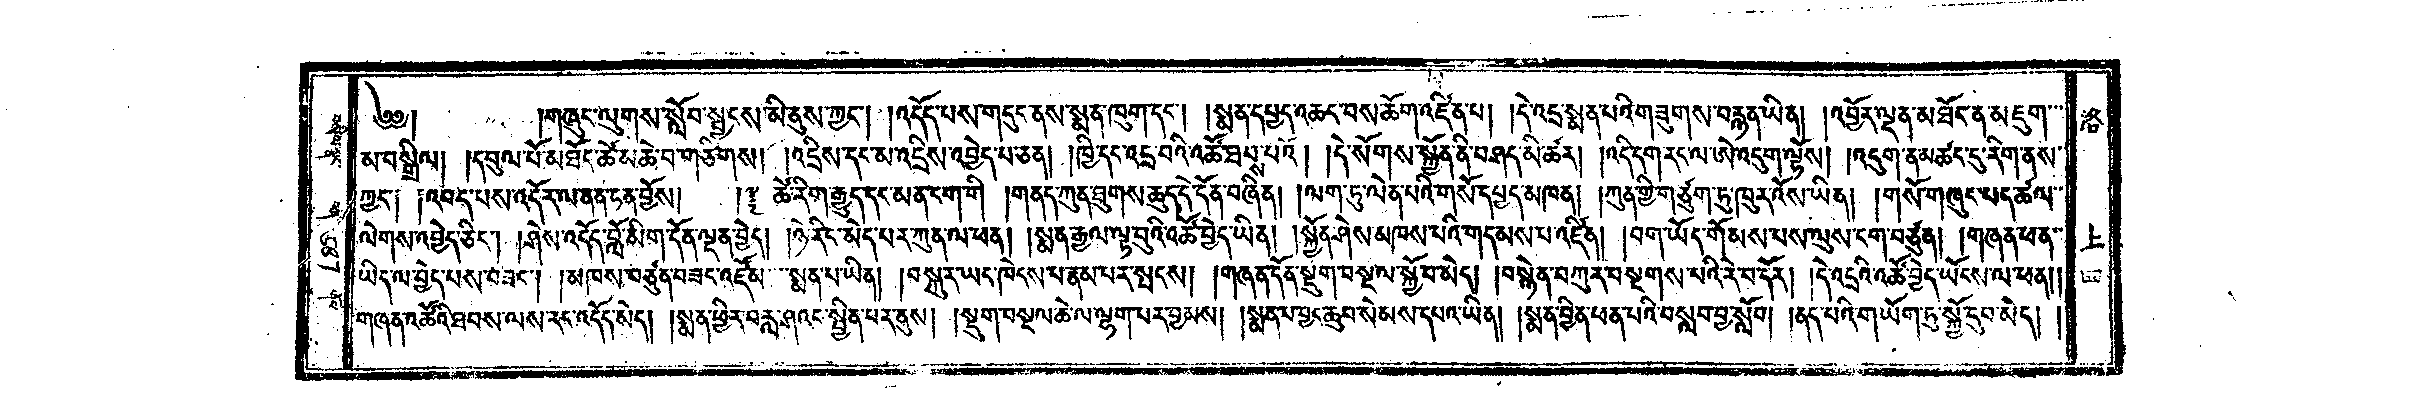༄༅། །གཞུང་ལུགས་སློབ་སྦྱངས་མི་ནུས་ཀྱང་། །འདོད་པས་གདུང་ནས་སྨན་ཁུག་དང་། །སྨན་དཔྱད་འཆང་བས་ཆོག་འཛིན་པ། །དེ་འདྲ་སྨན་པའི་གཟུགས་བརྙན་ཡིན། །འབྱོར་ལྡན་མཐོང་ན་མཇུག་
མ་བསྒྲིལ། །དབུལ་པོ་མཐོང་ཚེ་མཆེ་བ་གཙིགས། །འདྲིས་དང་མ་འདྲིས་འབྱེད་པ་ཅན། །ཁྱི་དང་འདྲ་བའི་འཚོ་ཐབས་པའོ། །དེ་སོགས་སྐྱོན་ནི་བཤད་མི་ཚར། །འདི་དག་རང་ལ་ཨེ་འདུག་ལྟོས། །འདུག་ན་མཚང་དུ་རིག་ནས་
ཀྱང་། །འབད་པས་འདོར་ལ་ནན་ཏན་བྱོས། །༈ ཚེ་རིག་རྒྱུད་དང་མན་ངག་གི །གནད་ཀུན་ཐུགས་ཆུད་དེ་དོན་བཞིན། །ལག་ཏུ་ལེན་པའི་གསོ་དཔྱད་མཁན། །ཀུན་གྱི་གཙུག་ཏུ་ཁུར་འོས་ཡིན། །གསོ་གཞུང་པད་ཚལ་
ལེགས་འབྱེད་ཅིང་། །ཤེས་འདོད་བློ་མིག་དོན་ལྡན་བྱེད། །ཉེ་རིང་མེད་པར་ཀུན་ལ་ཕན། །སྨན་རྒྱལ་ལྟ་བུའི་འཚོ་བྱེད་ཡིན། །སྐྱོན་ཤེས་མཁས་པའི་གདམས་པ་འཛིན། །བག་ཡོད་གོམས་པས་ལུས་ངག་བཙུན། །གཞན་ཕན་
ཡིད་ལ་བྱེད་པས་བཟང་། །མཁས་བཙུན་བཟང་འཛོམ་སྨན་པ་ཡིན། །བསྐུར་ཡང་ཁེངས་པ་རྣམ་པར་སྤངས། །གཞན་དོན་སྡུག་བསྔལ་སྐྱོ་བ་མེད། །བསྙེན་བཀུར་བསྔགས་པའི་རེ་བ་དོར། །དེ་འདྲའི་འཚོ་བྱེད་ཡོངས་ལ་ཕན། །
གཞན་འཚོའི་ཐབས་ལས་རང་འདོད་མེད། །སྨན་ཕྱིར་བརླ་ཤའང་སྦྱིན་པར་ནུས། །སྡུག་བསྔལ་ཆེ་ལ་ལྷག་པར་བྱམས། །སྨན་པ་བྱང་ཆུབ་སེམས་དཔའ་ཡིན། །སྨན་བྱིན་ཕན་པའི་བསླབ་བྱ་སློབ། །ནད་པའི་གཡོག་ཏུ་སྐྱོ་དུབ་མེད། །